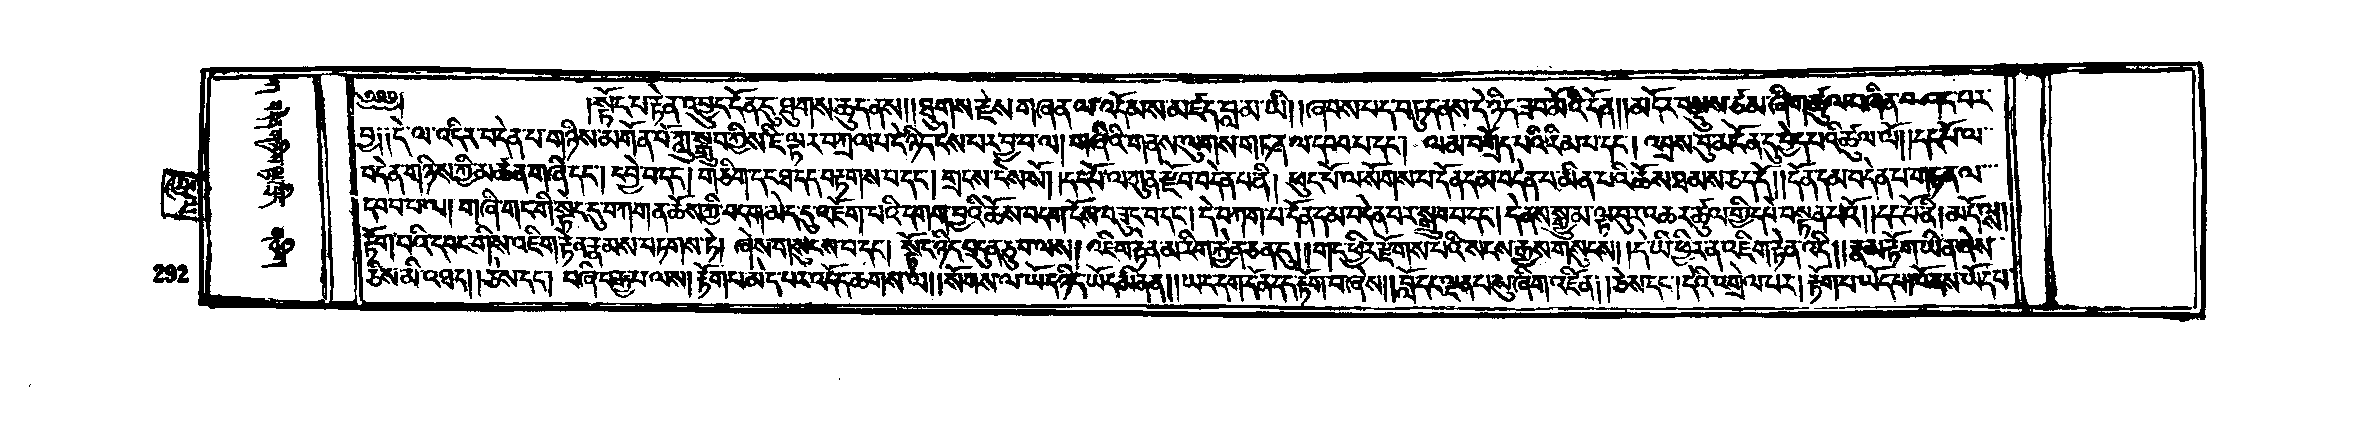༄༅༅། །སྟོང་པ་རྟེན་འབྱུང་དོན་དུ་ཐུགས་ཆུད་ནས། །ཐུགས་རྗེས་གཞན་ལ་འདོམས་མཛད་བླ་མ་ཡི། །ཞབས་པད་བཏུད་ནས་དེ་ཉིད་ཟབ་མོའི་དོན། །མདོར་བསྡུས་ཙམ་ཞིག་ཚུལ་བཞིན་བཤད་པར་
བྱ། །དེ་ལ་འདིར་བདེན་པ་གཉིས་མགོན་པོ་ཀླུ་སྒྲུབ་ཀྱིས་ཇི་ལྟར་བཀྲལ་བ་དེ་ཉིད་ངེས་པར་བྱ་བ་ལ། གཞིའི་གནས་ལུགས་གཏན་ལ་དབབ་པ་དང་། ལམ་བགྲོད་པའི་རིམ་པ་དང་། འབྲས་བུ་མངོན་དུ་བྱེད་པའི་ཚུལ་ལོ། །དང་པོ་ལ་
བདེན་གཉིས་ཀྱི་མཚན་གཞི་དང་། དབྱེ་བ་དང་། གཅིག་དང་ཐ་དད་བརྟགས་པ་དང་། གྲངས་ངེས་སོ། །དང་པོ་ལ་ཀུན་རྫོབ་བདེན་པ་ནི། ཕུང་པོ་ལ་སོགས་པ་དོན་དམ་བདེན་པ་མིན་པའི་ཆོས་ཐམས་ཅད་དོ། །དོན་དམ་བདེན་པ་གཏན་ལ་
དབབ་པ་ལ། གཞི་གང་གི་སྟེང་དུ་བཀག་ན་ཆོས་ཀྱི་བདག་མེད་དུ་འཇོག་པའི་དགག་བྱའི་ཆོས་བདག་ངོས་བཟུང་བ་དང་། དེ་བཀག་པ་དོན་དམ་བདེན་པར་སྒྲུབ་པ་དང་། དེ་ནས་སྒྱུ་མ་ལྟ་བུར་འཆར་ཚུལ་གྱི་དཔེ་བསྟན་པའོ། །དང་པོ་ནི། མདོ་ལས།
རྟོག་པའི་དབང་གིས་འཇིག་རྟེན་རྣམས་བཏགས་ཏེ། ཞེས་གསུངས་པ་དང་། སྟོང་ཉིད་བདུན་ཅུ་པ་ལས། འཇིག་རྟེན་མ་རིག་རྐྱེན་ཅན་དུ། །གང་ཕྱིར་རྫོགས་པའི་སངས་རྒྱས་གསུངས། །དེ་ཡི་ཕྱིར་ན་འཇིག་རྟེན་འདི། །རྣམ་རྟོག་ཡིན་ཞེས་
ཅིས་མི་འཐད། །ཅེས་དང་། བཞི་བརྒྱ་པ་ལས། རྟོག་པ་མེད་པར་འདོད་ཆགས་ལ། །སོགས་ལ་ཡོད་ཉིད་ཡོད་མིན་ན། །ཡང་དག་དོན་དང་རྟོག་པ་ཞེས། །བློ་དང་ལྡན་པ་སུ་ཞིག་འཛིན། །ཅེས་དང་། དེའི་འགྲེལ་པར། རྟོག་པ་ཡོད་པ་ཁོ་ནས་ཡོད་པ་